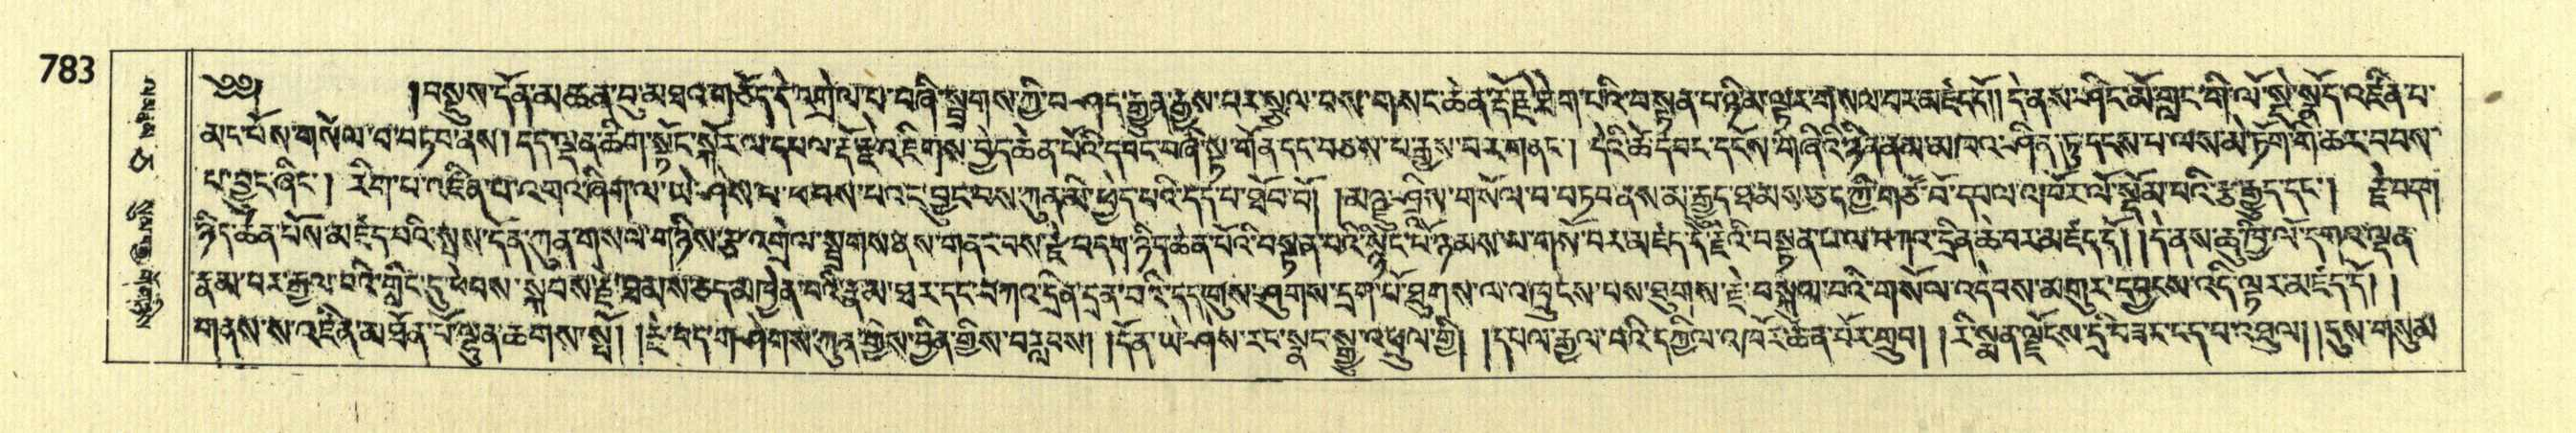༄༅། །བསྡུས་དོན་མཆན་བུ་མཐའ་གཅོད་དེ་འགྲེལ་པ་བཞི་སྦྲགས་ཀྱི་བཤད་རྒྱུན་རྒྱས་པར་སྩལ་བས་གསང་ཆེན་རྡོ་རྗེ་ཐེག་པའི་བསྟན་པ་ཉི་མ་ལྟར་གསལ་བར་མཛད་དོ། །དེ་ནས་ཤིང་མོ་གླང་གི་ལོ་སྡེ་སྣོད་འཛིན་པ་
མང་པོས་གསོལ་བ་བཏབ་ནས། དད་ལྡན་ཚིག་སྟོང་སྐོར་ལ་དཔལ་རྡོ་རྗེ་འཇིགས་བྱེད་ཆེན་པོའི་དབང་བཞི་སྟ་གོན་དང་བཅས་པར་རྒྱས་པར་གནང་། དེའི་ཚེ་དབང་དངོས་གཞིའི་ཉིན་ནམ་མཁའ་ཤིན་ཏུ་དངས་པ་ལས་མེ་ཏོག་གི་ཆར་བབས་
པ་བྱུང་ཞིང་། རིག་པ་འཛིན་པ་འགའ་ཞིག་ལ་ཡེ་ཤེས་པ་ཕབས་པའང་བྱུང་བས་ཀུན་མི་ཕྱེད་པའི་དད་པ་ཐོབ་བོ། །མཉྫུ་ཤྲཱིས་གསོལ་བ་ཏབ་ནས་མ་རྒྱུད་ཐམས་ཅད་ཀྱི་གཙོ་བོ་དཔལ་འཁོར་ལོ་སྡོམ་པའི་རྩ་རྒྱུད་དང་། རྗེ་བདག་
ཉིད་ཆེན་པོས་མཛད་པའི་སྤས་དོན་ཀུན་གསལ་གཉིས་རྩ་འགྲེལ་སྦྲགས་ནས་གནང་བས་རྗེ་བདག་ཉིད་ཆེན་པོའི་བསྟན་པའི་སྙིང་པོ་ཉམས་པ་གསོ་བར་མཛད་དེ་རྗེའི་བསྟན་པ་ལ་བཀའ་དྲིན་ཆེ་བར་མཛད་དོ། །དེ་ནས་ཆུ་ཁྱི་ལོ་དགའ་ལྡན་
རྣམ་པར་རྒྱལ་བའི་གླིང་དུ་ཕེབས་སྐབས་རྗེ་ཐམས་ཅད་མཁྱེན་བའི་རྣམ་ཐར་དང་བཀའ་དྲིན་དྲན་བའི་དད་གུས་ཤུགས་དྲག་པོ་ཐུགས་ལ་འཁྲུངས་པས་ཐུགས་རྗེ་བསྐུལ་བའི་གསོལ་འདེབས་མགུར་དབྱངས་འདི་ལྟར་མཛད་དོ། །
གནས་ས་འཛིན་མཐོན་པོ་ལྷུན་ཆགས་སྤོ། །རྗེ་བད་གཤེགས་ཀུན་གྱིས་བྱིན་གྱིས་བརླབས། །དོན་ཡེ་ཤེས་རང་སྣང་སྒྱུ་འཕྲུལ་གྱི། །དཔལ་རྒྱལ་བའི་དཀྱིལ་འཁོར་ཆེན་པོར་གྲུབ། །རི་སྨན་ལྗོངས་དྲི་བཟང་ངད་པ་འཐུལ། །དུས་གསུམ་